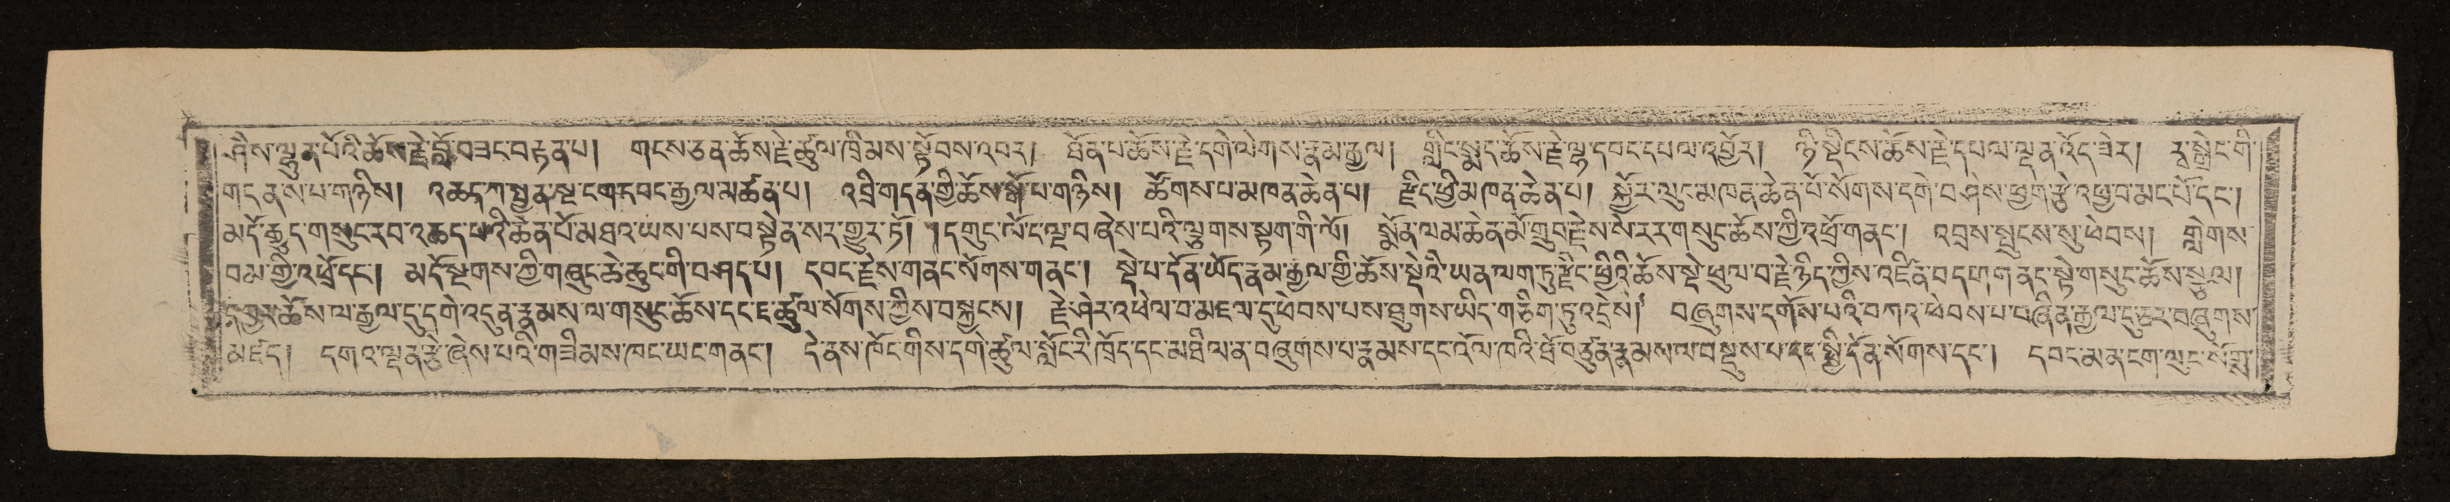ཤིས་ལྷུན་པོའི་ཆོས་རྗེ་བློ་བཟང་བརྟན་པ། གངས་ཅན་ཆོས་རྗེ་ཚུལ་ཁྲིམས་སྟོབས་འབར། ཐོན་པ་ཆོས་རྗེ་དགེ་ལེགས་རྣམ་རྒྱལ། གླིང་སྨད་ཆོས་རྗེ་ལྷ་དབང་དཔལ་འབྱོར། ཉི་སྡིངས་ཆོས་རྗེ་དཔལ་ལྡན་འོད་ཟེར། རྭ་སྒྲེང་གི་
གདན་ས་པ་གཉིས། འཆད་ཀ་སྤྱན་སྔ་ངག་དབང་རྒྱལ་མཚན་པ། འབྲི་གདན་གྱི་ཆོས་སྒོ་པ་གཉིས། ཚོགས་པ་མཁན་ཆེན་པ། རྫིང་ཕྱི་མཁན་ཆེན་པ། སྐྱོར་ལུང་མཁན་ཆེན་པ་སོགས་དགེ་བཤེས་ཕྱག་རྩེ་འཕྱབ་མང་པོ་དང་།
མདོ་རྒྱུད་གསུང་རབ་འཆད་པའི་ཆེན་པོ་མཐའ་ཡས་པས་བསྟེན་སར་གྱུར་ཏོ། །དགུང་ལོ་ང་ལྔ་བཞེས་པའི་ལྕགས་སྟག་གི་ལོ། སྨོན་ལམ་ཆེན་མོ་གྲུབ་རྗེས་སེ་རར་གསུང་ཆོས་ཀྱི་འཕྲོ་གནང་། འབྲས་སྤུངས་སུ་ཕེབས། གླེགས་
བམ་གྱི་འཕྲོ་དང་། མདོ་སྔགས་ཀྱི་གཞུང་ཆེ་ཆུང་གི་བཤད་པ། དབང་རྗེས་གནང་སོགས་གནང་། སྡེ་པ་དོན་ཡོད་རྣམ་རྒྱལ་གྱི་ཆོས་སྡེའི་ཡན་ལག་ཏུ་རྫིང་ཕྱིའི་ཆོས་སྡེ་ཕུལ་བ་རྗེ་ཉིད་ཀྱིས་འཛིན་བདག་གནང་སྟེ་གསུང་ཆོས་སྩལ།
དབྱར་ཆོས་ལ་རྒྱལ་དུ་དགེ་འདུན་རྣམས་ལ་གསུང་ཆོས་དང་ཇ་ཚུལ་སོགས་ཀྱིས་བསྐྱངས། རྗེ་ཤེར་འཕེལ་བ་མཇལ་དུ་ཕེབས་པས་ཐུགས་ཡིད་གཅིག་ཏུ་འདྲེས། བཞུགས་དགོས་པའི་བཀའ་ཕེབས་པ་བཞིན་རྒྱལ་དུ་ཅར་བཞུགས་
མཛད། དགའ་ལྡན་རྩེ་ཞེས་པའི་གཟིམས་ཁང་ཡང་གནང་། དེ་ནས་ཁོང་གིས་དགེ་ཚུལ་སློང་རི་ཁྲོད་དང་མཐིལ་ན་བཞུགས་པ་རྣམས་དང་འོལ་ཁའི་ཐོ་བཙུན་རྣམས་ལ་བསྡུས་པ་དང་སྤྱི་དོན་སོགས་དང་། དབང་མན་ངག་ལུང་སོགས་